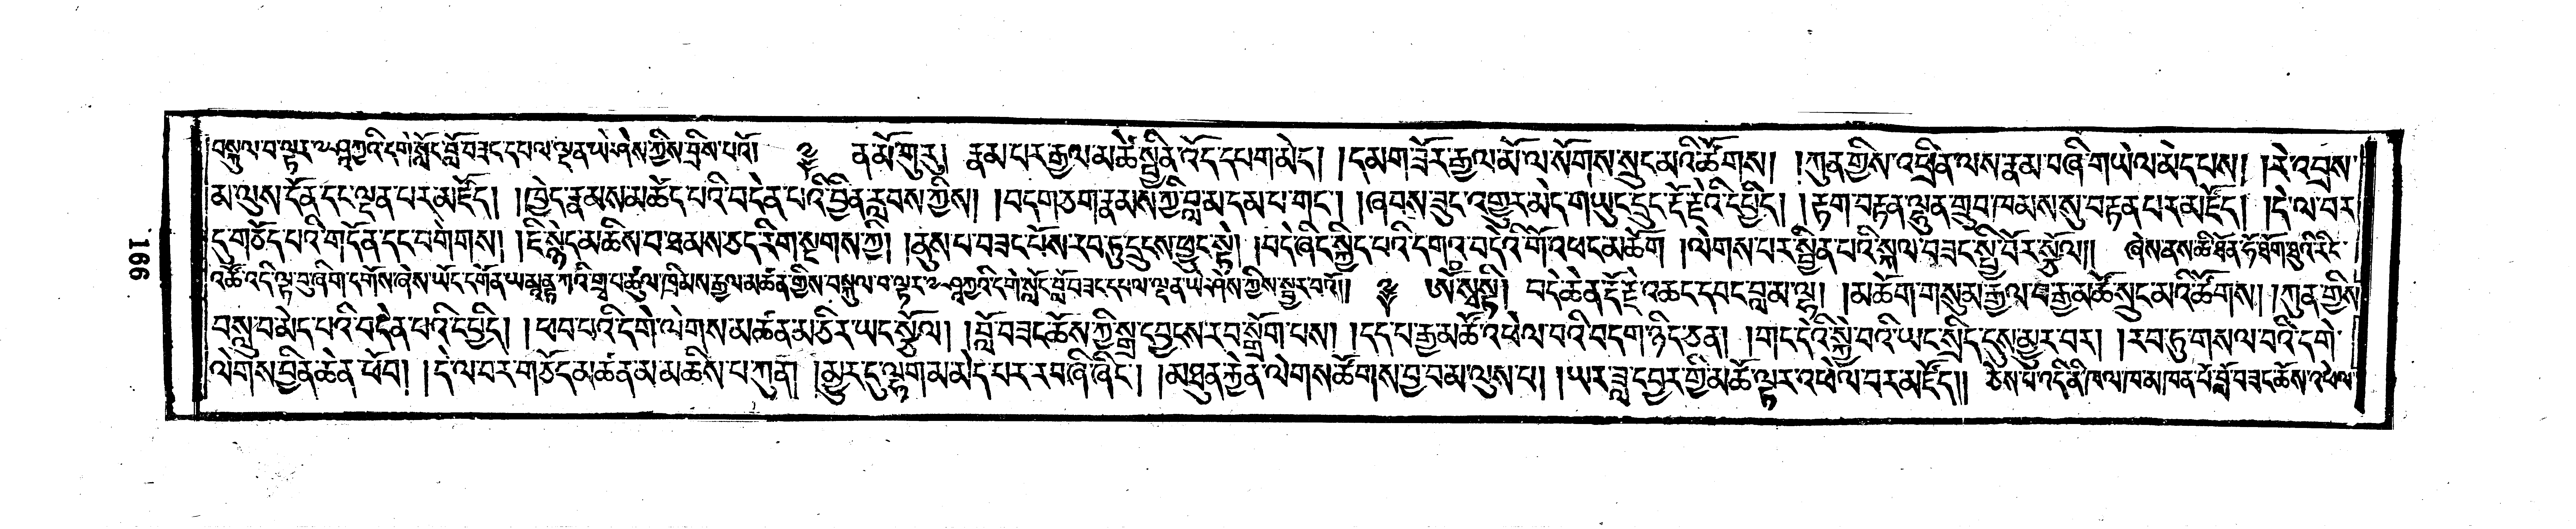བསྐུལ་བ་ལྟར་༧་ཤཱཀྱའི་དགེ་སློང་བློ་བཟང་དཔལ་ལྡན་ཡེ་ཤེས་ཀྱིས་བྲིས་པའོ། ༈ ན་མོ་གུ་རུ། རྣམ་པར་རྒྱལ་མཚེ་སྦྱིན་འོད་དཔག་མེད། །དམག་ཟོར་རྒྱལ་མོ་ལ་སོགས་སྲུང་མའི་ཚོགས། །ཀུན་གྱིས་འཕྲིན་ལས་རྣམ་བཞི་གཡེལ་མེད་པས། །རེ་འབྲས་
མ་ལུས་དོན་དང་ལྡན་པར་མཛོད། །ཁྱེད་རྣམས་མཆོད་པའི་བདེན་པའི་བྱིན་རླབས་ཀྱིས། །བདག་ཅག་རྣམས་ཀྱི་བླ་མ་དམ་པ་གང་། །ཞབས་ཟུང་འགྱུར་མེད་གཡུང་དྲུང་རྡོ་རྗེའི་དཔྱིད། །རྟག་བརྟན་ལྷུན་གྲུབ་ཁམས་སུ་བརྟན་པར་མཛོད། །དེ་ལ་བར་
དུ་གཅོད་པའི་གདོན་དང་བགེགས། །ཇི་སྙེད་མཆིས་བ་ཐམས་ཅད་རིག་སྔགས་ཀྱི། །ནུས་པ་བཟང་པོས་རབ་ཏུ་དྲུངས་ཕྱུང་སྟེ། །བདེ་ཞིང་སྐྱིད་པའི་དགའ་བདེའི་གོ་འཕང་མཆོག །ལེགས་པར་སྦྱིན་པའི་སྐལ་བཟང་སྤྱི་བོར་སྩོལ།། ཞེས་ནས་ཆི་ཐོན་ཧོ་ཐོག་ཐུའི་རིང་
འཚོ་འདི་ལྟ་བུ་ཞིག་དགོས་ཞེས་ཡོང་དགོན་ཡ་མཱནྟ་ཀའི་གྲྭ་པ་ཚུལ་ཁྲིམས་རྒྱལ་མཚན་གྱིས་བསྐུལ་བ་ལྟར་༧་ཤཱཀྱའི་དགེ་སློང་བློ་བཟང་དཔལ་ལྡན་ཡེ་ཤེས་ཀྱིས་སྦྱར་བའོ།། ༈ ཨོཾ་སྭསྟི། བདེ་ཆེན་རྡོ་རྗེ་འཆང་དབང་བླ་མ་ལྷ། །མཆོག་གསུམ་རྒྱལ་བ་རྒྱ་མཚོ་སྲུང་མའི་ཚོགས། །ཀུན་གྱིས་
བསླུ་བ་མེད་པའི་བདེན་པའི་དཔྱིད། །ཕབ་པའི་དགེ་ལེགས་མཚན་མ་ཅིར་ཡང་སྩོལ། །བློ་བཟང་ཆོས་ཀྱི་སྒྲ་དབྱངས་རབ་སྒྲོག་པས། །དད་པ་རྒྱ་མཚོ་འཕེལ་བའི་བདག་ཉིད་ཅན། །གང་དེའི་སྐྱེ་བའི་ཡང་སྲིད་དུས་མྱུར་བར། །རབ་ཏུ་གསལ་བའི་དགེ་
ལེགས་བྱིན་ཆེན་ཕོབ། །དེ་ལ་བར་གཅོད་མཚན་མ་མཆིས་པ་ཀུན། །མྱུར་དུ་ལྷག་མ་མེད་པར་རབ་ཞི་ཞིང་། །མཐུན་རྐྱེན་ལེགས་ཚོགས་བྱ་བ་མ་ལུས་པ། །ཡར་ཟླ་དབྱར་གྱི་མཚོ་ལྟར་འཕེལ་བར་མཛོད།། ཅེས་པ་འདི་ནི་ཁལ་ཁ་མཁན་པོ་བློ་བཟང་ཆོས་འཕེལ་